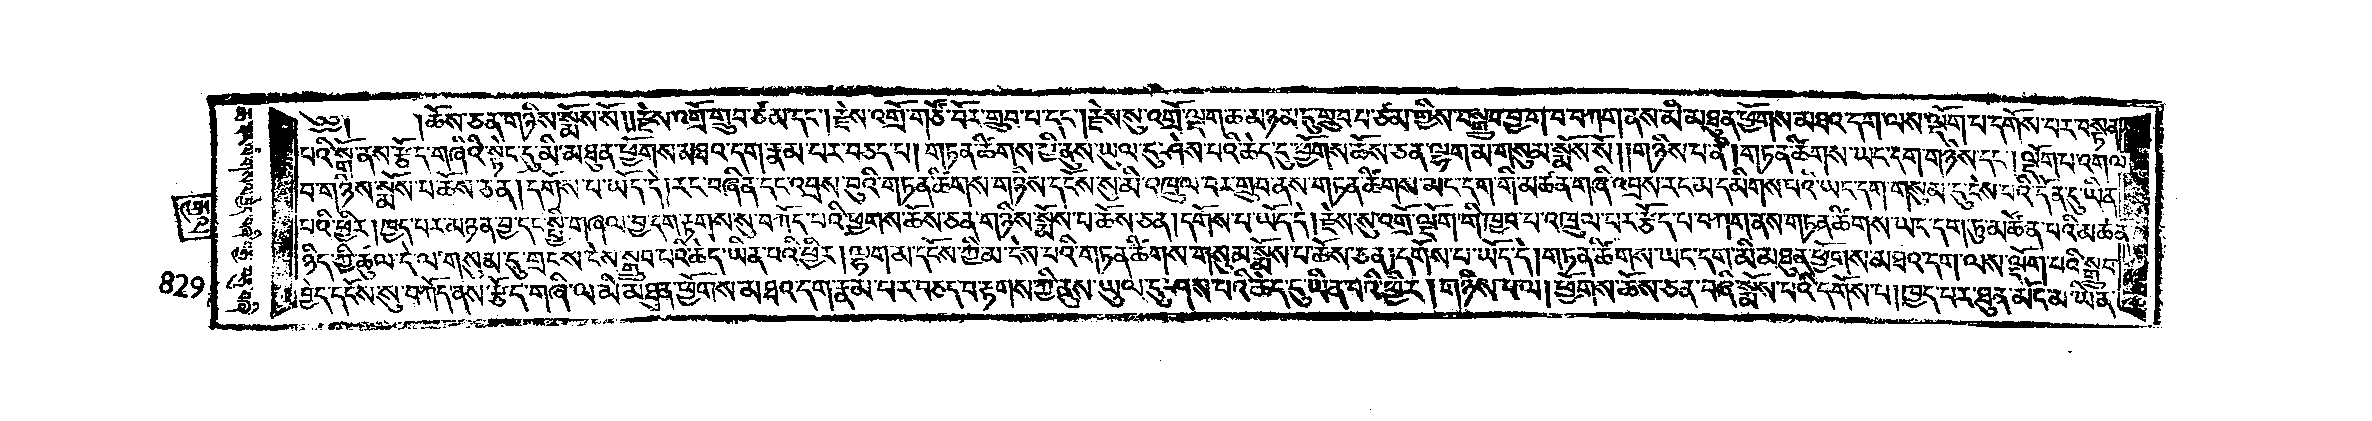༄༅། །ཆོས་ཅན་གཉིས་སྨོས་སོ། །རྗེས་འགྲོ་གྲུབ་ཙམ་དང་། རྗེས་འགྲོ་གཙོ་བོར་གྲུབ་པ་དང་། རྗེས་སུ་འགྲོ་ལྡོག་ཆ་མཉམ་དུ་གྲུབ་པ་ཙམ་གྱིས་བསྒྲུབ་བྱ་གོ་བ་བཀག་ནས་མི་མཐུན་ཕྱོགས་མཐའ་དག་ལས་ལྡོག་པ་དགོས་པར་བསྟན་
པའི་སྒོ་ནས་རྩོད་གཞིའི་སྟེང་དུ་མི་མཐུན་ཕྱོགས་མཐའ་དག་རྣམ་པར་བཅད་པ། གཏན་ཚིགས་ཀྱི་ནུས་ཡུལ་དུ་ཤེས་པའི་ཆེད་དུ་ཕྱོགས་ཆོས་ཅན་ལྷག་མ་གསུམ་སྨོས་སོ། །གཉིས་པ་ནི། གཏན་ཚིགས་ཡང་དག་གཉིས་དང་། ལྡོག་པ་འགལ་
བ་གཉིས་སྨོས་པ་ཆོས་ཅན། དགོས་པ་ཡོད་དེ། རང་བཞིན་དང་འབྲས་བུའི་གཏན་ཚིགས་གཉིས་དངོས་སུ་མི་འཁྲུལ་པར་གྲུབ་ནས་གཏན་ཚིགས་ཡང་དག་གི་མཚན་གཞི་འབྲས་རང་མ་དམིགས་པའི་ཡང་དག་གསུམ་དུ་ངེས་པའི་དོན་དུ་ཡིན་
པའི་ཕྱིར། ཁྱད་པར་མཉན་བྱ་དང་སྤྱི་གཞལ་བྱ་དག་རྟགས་སུ་བཀོད་པའི་ཕྱོགས་ཆོས་ཅན་གཉིས་སྨོས་པ་ཆོས་ཅན། དགོས་པ་ཡོད་དེ། རྗེས་སུ་འགྲོ་ལྡོག་གི་ཁྱབ་པ་འཁྲུལ་པར་རྩོད་པ་བཀག་ནས་གཏན་ཚིགས་ཡང་དག་ཏུ་མཚོན་པའི་མཚན་
ཉིད་ཀྱི་ཚུལ་དེ་ལ་གསུམ་དུ་གྲངས་ངེས་སྒྲུབ་པའི་ཆེད་ཡིན་པའི་ཕྱིར། ལྷག་མ་དངོས་ཀྱི་མ་ངེས་པའི་གཏན་ཚིགས་གསུམ་སྨོས་པ་ཆོས་ཅན། དགོས་པ་ཡོད་དེ། གཏན་ཚིགས་ཡང་དག་མི་མཐུན་ཕྱོགས་མཐའ་དག་ལས་ལྡོག་པའི་སྒྲུབ་
བྱེད་དངོས་སུ་བཀོད་ནས་རྩོད་གཞི་ལ་ཡི་མཐུན་ཕྱོགས་མཐའ་དག་རྣམ་པར་བཅད་པ་རྟགས་ཀྱི་ནུས་ཡུལ་དུ་ཤེས་པའི་ཆེད་དུ་ཡིན་པའི་ཕྱིར། གཉིས་པ་ལ། ཕྱོགས་ཆོས་ཅན་བཞི་སྨོས་པའི་དགོས་པ། ཁྱད་པར་ཐུན་མོང་མ་ཡིན་